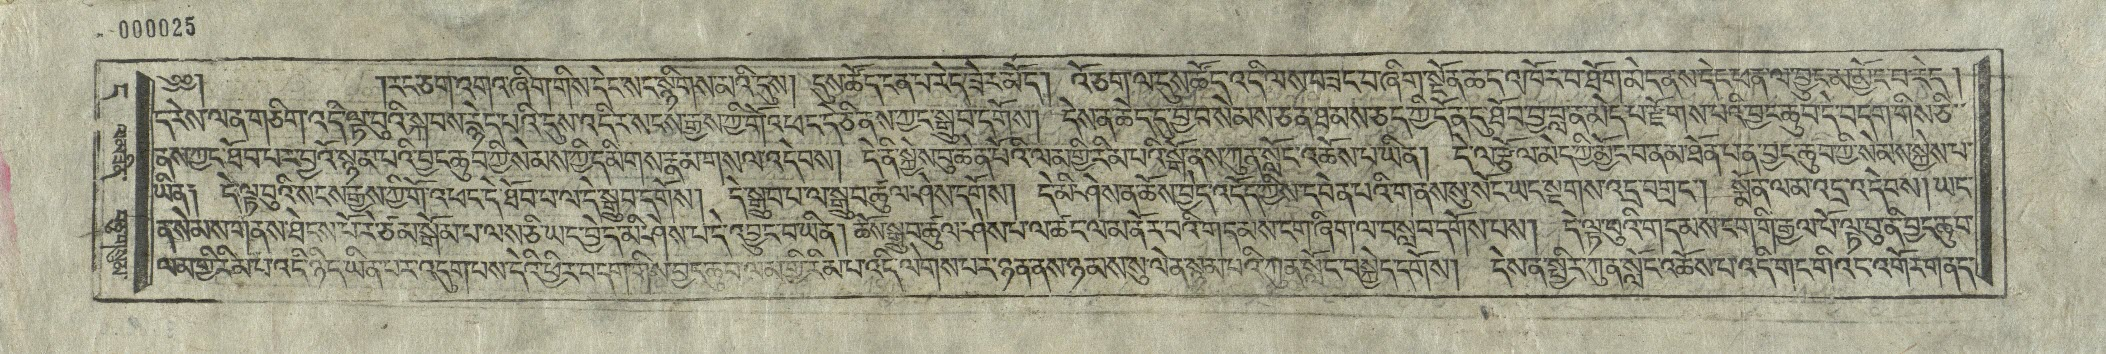༄༅། །རང་ཅག་འགའ་ཞིག་གིས་དེང་སང་སྙིགས་མའི་དུས། དུས་ཚོད་ངན་པ་རེད་ཟེར་མོད། འོ་ཅག་ལ་དུས་ཚོད་འདི་ལས་བཟང་བ་ཞིག་སྔོན་ཆད་འཁོར་བ་ཐོག་མེད་ནས་དེང་ཕན་ལ་བྱུང་མ་མྱོང་བ་རེད།
ད་རེས་ལན་གཅིག་འདི་ལྟ་བུའི་སྐབས་རྙེད་པའི་དུས་འདིར་སངས་རྒྱས་ཀྱི་གོ་འཕང་དེ་ཅི་ནས་ཀྱང་སྒྲུབ་དགོས། དེས་ན་ཆེད་དུ་བྱ་བ་སེམས་ཅན་ཐམས་ཅད་ཀྱི་དོན་དུ་ཐོབ་བྱ་བླ་ན་མེད་པ་རྫོགས་པའི་བྱང་ཆུབ་དེ་བདག་གིས་ཅི་
ནས་ཀྱང་ཐོབ་པར་བྱའོ་སྙམ་པའི་བྱང་ཆུབ་ཀྱི་སེམས་ཀྱི་དམིགས་རྣམ་གསལ་འདེབས། དེ་ནི་སྐྱེས་བུ་ཆེན་པོའི་ལམ་གྱི་རིམ་པའི་སྒོ་ནས་ཀུན་སློང་འཆོས་པ་ཡིན། དེ་ལ་རྩོལ་མེད་ཀྱི་མྱོང་བ་ན་མ་ཐོན་པ་ན་བྱང་ཆུབ་ཀྱི་སེམས་སྐྱེས་པ་
ཡིན༑ དེ་ལྟ་བུའི་སངས་རྒྱས་ཀྱི་གོ་འཕང་དེ་ཐོབ་པ་ལ་དེ་སྒྲུབ་དགོས། དེ་སྒྲུབ་པ་ལ་སྒྲུབ་ཚུལ་ཤེས་དགོས། དེ་མི་ཤེས་ན་ཆོས་བྱེད་འདོད་ཀྱིས་དབེན་པའི་གནས་སུ་སོང་ཡང་སྔགས་འདྲ་བགྲང་། སྨོན་ལམ་འདྲ་འདེབས། ཡང་
ན་སེམས་གནས་ཐེངས་པོ་རེ་ཙམ་སྒོམ་པ་ལས་ཅི་ཡང་བྱེད་མི་ཤེས་པ་དེ་འབྱུང་བ་ཡིན། ཆོས་སྒྲུབ་ཚུལ་ཤེས་པ་ལ་ཚང་ལ་མ་ནོར་བའི་གདམས་ངག་ཞིག་ལ་བསླབ་དགོས་པས། དེ་ལྟ་བུའི་གདམས་ངག་གི་རྒྱལ་པོ་ལྟ་བུ་ནི་བྱང་ཆུབ་
ལམ་གྱི་རིམ་པ་འདི་ཉིད་ཡིན་པར་འདུག་པས་དེའི་ཕྱིར་བདག་གིས་བྱང་ཆུབ་ལམ་གྱི་རིམ་པ་འདི་ལེགས་པར་ཉན་ནས་ཉམས་སུ་ལེན་སྙམ་པའི་ཀུན་སློང་བསྐྱེད་དགོས། དེས་ན་སྤྱིར་ཀུན་སློང་འཆོས་པ་འདི་གང་གིའང་འགོར་གནད་